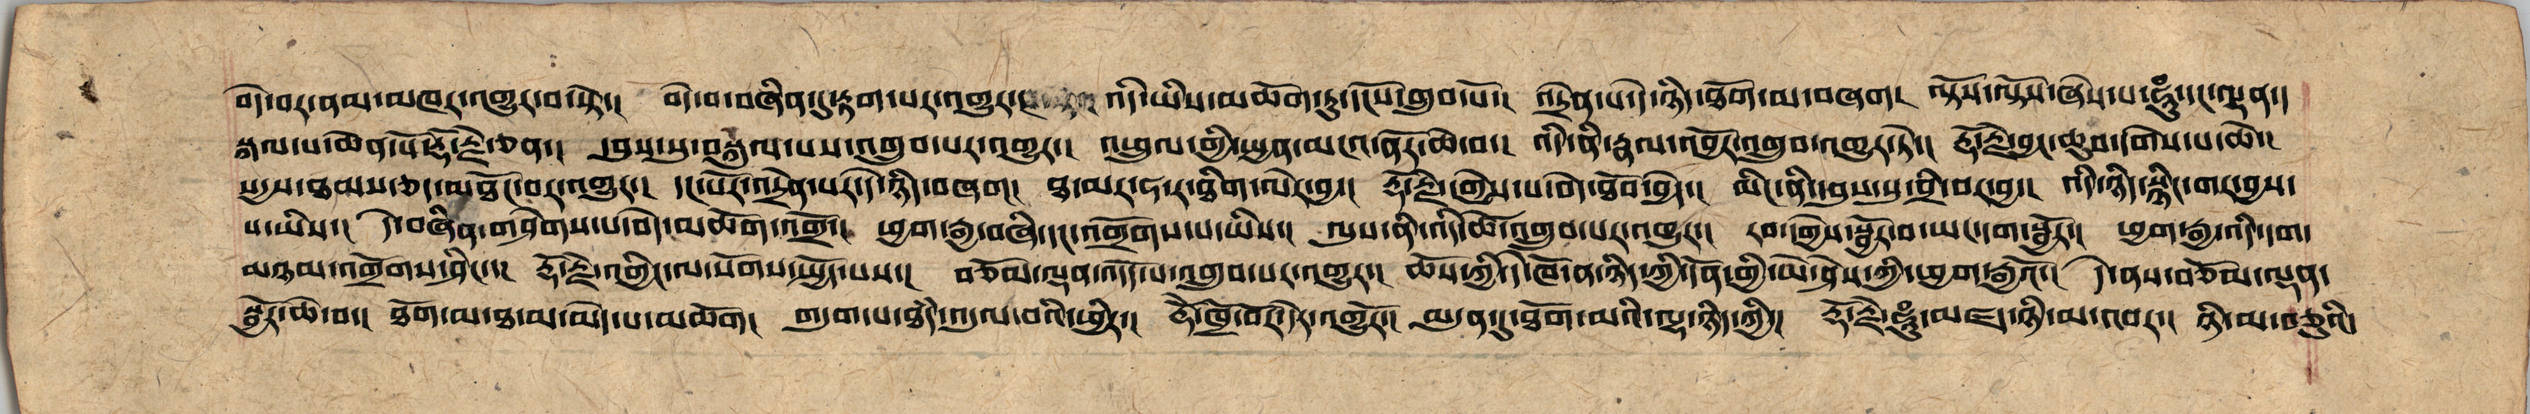བེད་བར་ནམ་མཁར་འགྱུར་བ་སྟེ་། བདེ་བ་བཞིན་དུ་རྟག་པར་འགྱུར་། འདི་ཡིས་མཆོག་ཏུ་དངོས་གྲུབ་པོ་། འདྲེན་པ་དེ་ཉིད་ཐོག་མ་བཞག། ལྟོས་ལྟོས་ཞེས་པ་ཧཱུཾ་དང་ལྡན་།
སྐལ་པ་ཆེན་པོ་རྡོ་རྗེ་ཅན་། དབུས་སུ་བསྐུལ་པས་འགྲུབ་པར་འགྱུར་། འཕྲུལ་གྱི་སྤྱན་མངའ་ནོར་ཆེ་བ་། འདི་ནི་རྣལ་འབྱོར་འགྲུབ་འགྱུར་ཏེ་། རྡོ་རྗེ་བྱང་ཆུབ་དགོས་པ་ཆེ་།
སདྱས་ཐམས་ཅད་མཐོང་བར་འགྱུར་། དང་པོར་འདྲེན་པར་དེ་ཉིད་བཞག། ཐ་མར་ཧ་ར་ཐིག་ལེར་བྱ་། རྡོ་རྗེ་དགྱེས་པ་བདེ་ཐོབ་བྱེད་། མིང་ནི་དབུས་སུ་བྲི་བར་བྱ་། འདི་ཉིད་སྙིང་གར་བྱས་
པ་ཡིས་། དེ་བཞིན་གཤེགས་པ་བདེ་མཆོག་འགྲོ་། ཕྱག་རྒྱ་བཞི་དང་འགྲོགས་པ་ཡིས་། ལུས་ནི་འདི་ཚེ་འགྲུབ་པར་འགྱུར་། རབ་དགྱེས་སྦྱོར་བ་ཡང་དག་སྦྱོར་། ཕྱག་རྒྱ་འདི་དག་
མཉམ་འགྲོགས་ཤིང་་། རྡོ་རྗེ་འགྱིང་ལ་སོགས་སྤྱོད་པས་། བཅོམ་ལྡན་འདོད་པ་འགྲུབ་པར་འགྱུར་། ཆོས་ཀྱི་དེ་ཁོ་ན་ཉིད་ཀྱི་དོན་གྱི་ཡེ་ཤེས་ཀྱི་ཕྱག་རྒྱའོ་། དེ་ནས་བཅོམ་ལྡན་
སྦྱོར་ཆེ་བ་། ཐོག་མ་ཐ་མ་མེད་པ་མཆོག། གདུག་པ་ཐཾད་འདུལ་བའི་ཕྱིར་། རྡོེ་ཁྲོ་བོར་དེར་འགྱུརོ་། མདུན་དུ་ཐོག་མའི་ལྷ་ཉིད་ཀྱི་། རྡོ་རྗེ་ཧཱུཾ་མཛད་ཉི་མ་འབར་། ཉི་མ་བཅུའི་